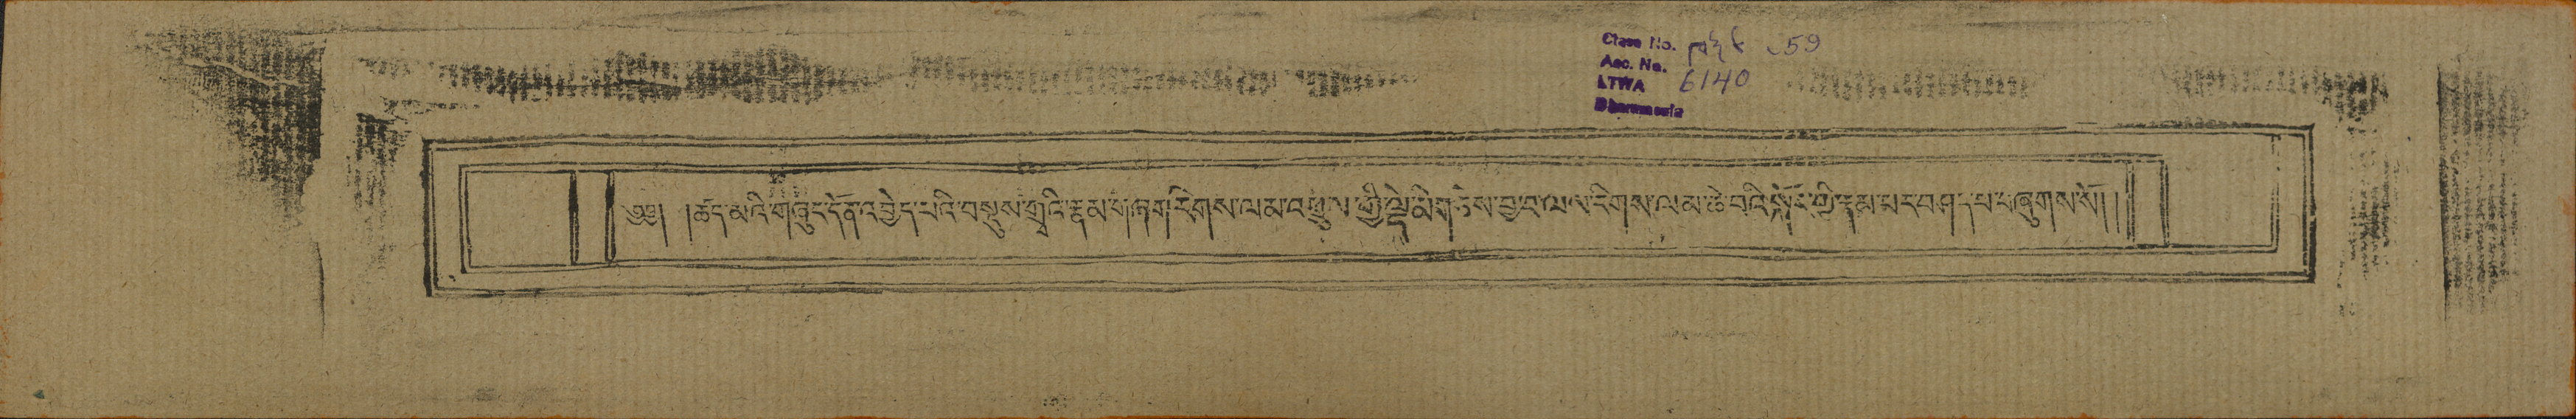༄༅། །ཚད་མའི་གཞུང་དོན་འབྱེད་པའི་བསྡུས་གྲྭའི་རྣམ་གཞག་རིགས་ལམ་འཕྲུལ་གྱི་ལྡེ་མིག་ཅེས་བྱ་བ་ལས་རིགས་ལམ་ཆེ་བའི་སྐོར་གྱི་རྣམ་པར་བཤད་པ་བཞུགས་སོ། །